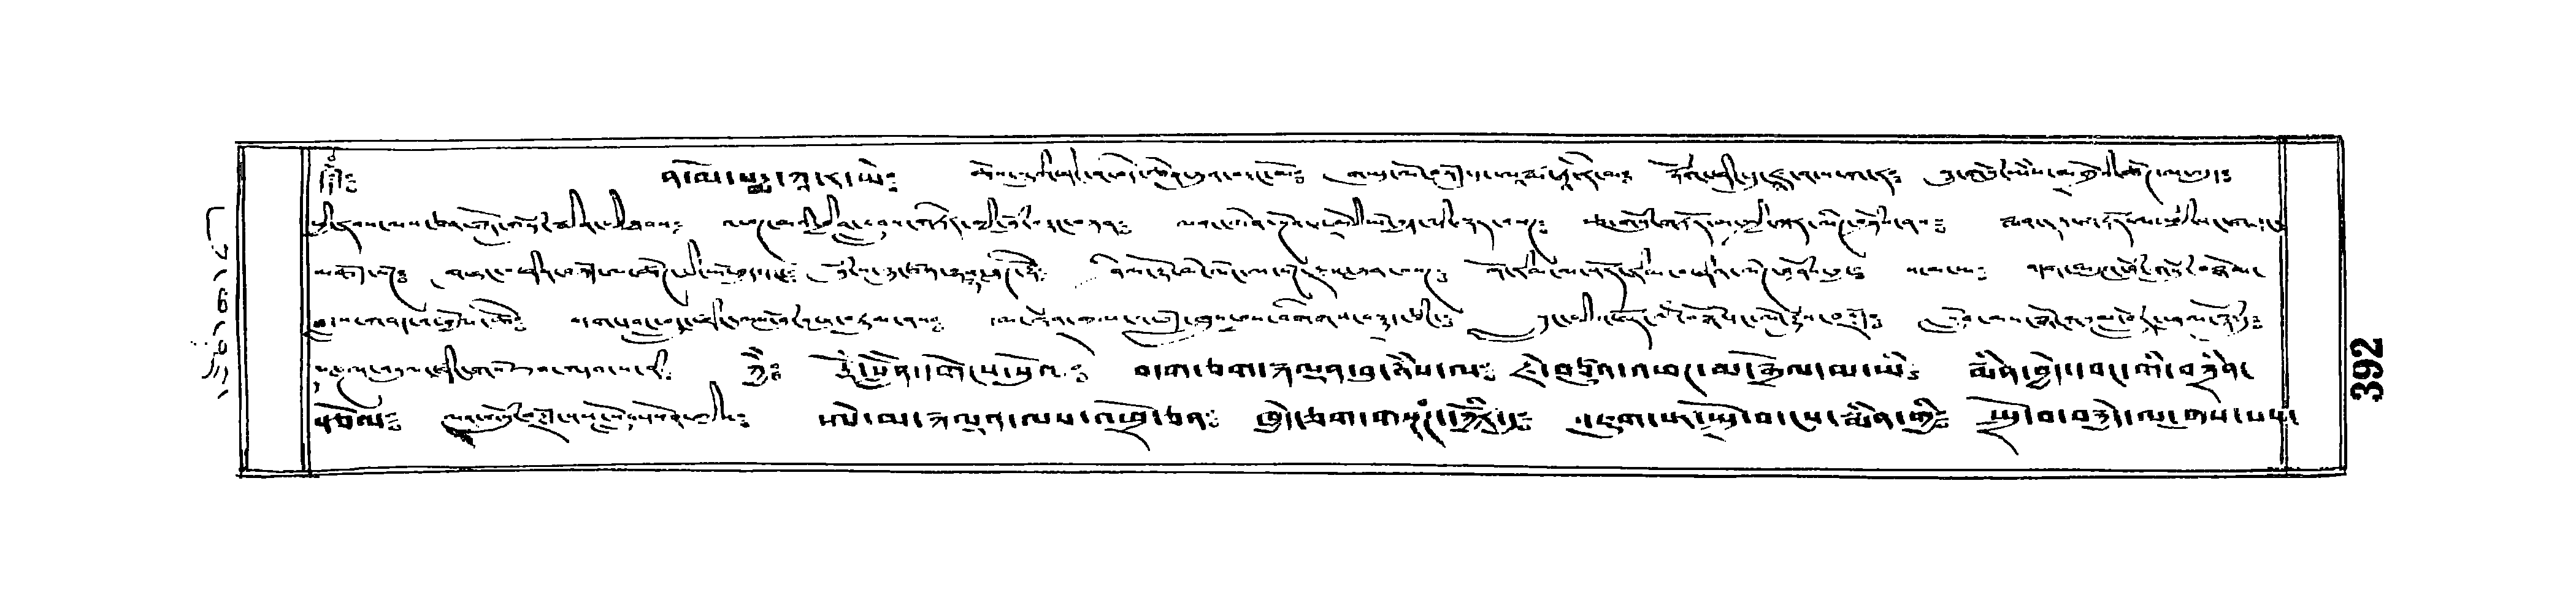ན་མོ་པདྨ་ཀཱ་ར་ཡེ༔ ཆོས་སྐུའི་ཞིང་ན་བདེ་ཆེན་ཀུན་བཟང་མོ༔ གཡུ་ལོ་བཀོད་དུ་ཨཱརྻ་ཏཱ་རེ་མ༔ རྣམ་དག་ཞིང་དུ་ཛྙཱ་ན་ས་ག་ར༔ སྐུ་གསུམ་ཡེ་ཤེས་མཁའ་འགྲོའི་ཚོགས་ལ་འདུད༔ 
ཕྱི་རབས་ལས་ཅན་སྒོ་གསུམ་སྨིན་པའི་ཐབས༔ འཕགས་མའི་བྱིན་རླབས་གཏེར་གྱི་བུམ་བཟང་བསྟན༔ ལག་ལེན་སྔོན་འགྲོའི་ཡོ་བྱད་འདི་ལྟར་བསགས༔ རྩ་གསུམ་གཏོར་མ་སྤྱི་ལྟར་ལེགས་བཤམས་ནས༔ སྨན་རཀ་གཏོར་མ་ཕྱི་ནང་གསང་
མཆོད་སོགས༔ གཞུང་བཞིན་བཀོད་ལ་ཚོགས་ཀྱི་ཡོ་བྱད་དང༔ བུམ་པ་སྐུ་ཙཀ་བྷནྡྷ་ཐུགས་རྡོ་རྗེ༔ ཤེལ་རྡོ་མེ་ལོང་ལ་སོགས་རྫས་ཀུན་བསགས༔ གོ་རིམ་མ་ནོར་རིམ་བཞིན་ལེགས་བཤམས་བྱ༔ ས་མ་ཡ༔ བདག་མདུན་བུམ་གསུམ་བསྒོམ་
བཟླས་གནད་འཁྱོལ་ཚེ༔ བདག་དབང་བླང་ཞིང་ལས་བུམ་བཞུ་བཏུལ་ནས༔ དམ་ལྡན་གྲལ་འཁོད་ཁྲུས་བྱས་བགེགས་བསྐྲད་ཅིང༔ སྲུང་བའི་འཁོར་ལོ་བསྒོམ་དང་ལོ་རྒྱུས་བརྗོད༔ སློབ་མས་སྒོ་གསུམ་བླ་མར་ཕུལ་སྙམ་དུ༔ 
མཎྜལ་འབུལ་ཞིང་གསོལ་བ་གདབ་པ་ནི༔ ཀྱཻཿ རྡོ་རྗེ་སློབ་དཔོན་དགོངས་སུ་གསོལ༔ བདག་ཅག་སྐལ་ལྡན་བུ་རྣམས་ལ༔ རྗེ་བཙུན་འཕགས་མ་སྒྲོལ་མ་ཡི༔ སྨིན་བྱེད་དབང་གི་བཀའ་དྲིན་
སྩོལ༔ ལན་གསུམ་བརྗོད་ནས་སློབ་དཔོན་གྱིས༔ ཨེ་མ་སྐལ་ལྡན་ལས་འཕྲོ་ཅན༔ ཁྱེད་ཅག་གསང་སྔགས་དཀྱིལ་འཁོར་དུ༔ འཇུག་པར་སྤྲོ་བ་ངས་སྨིན་གྱི༔ སྤྲོ་བ་བསྐྱེད་ལ་གུས་པས་